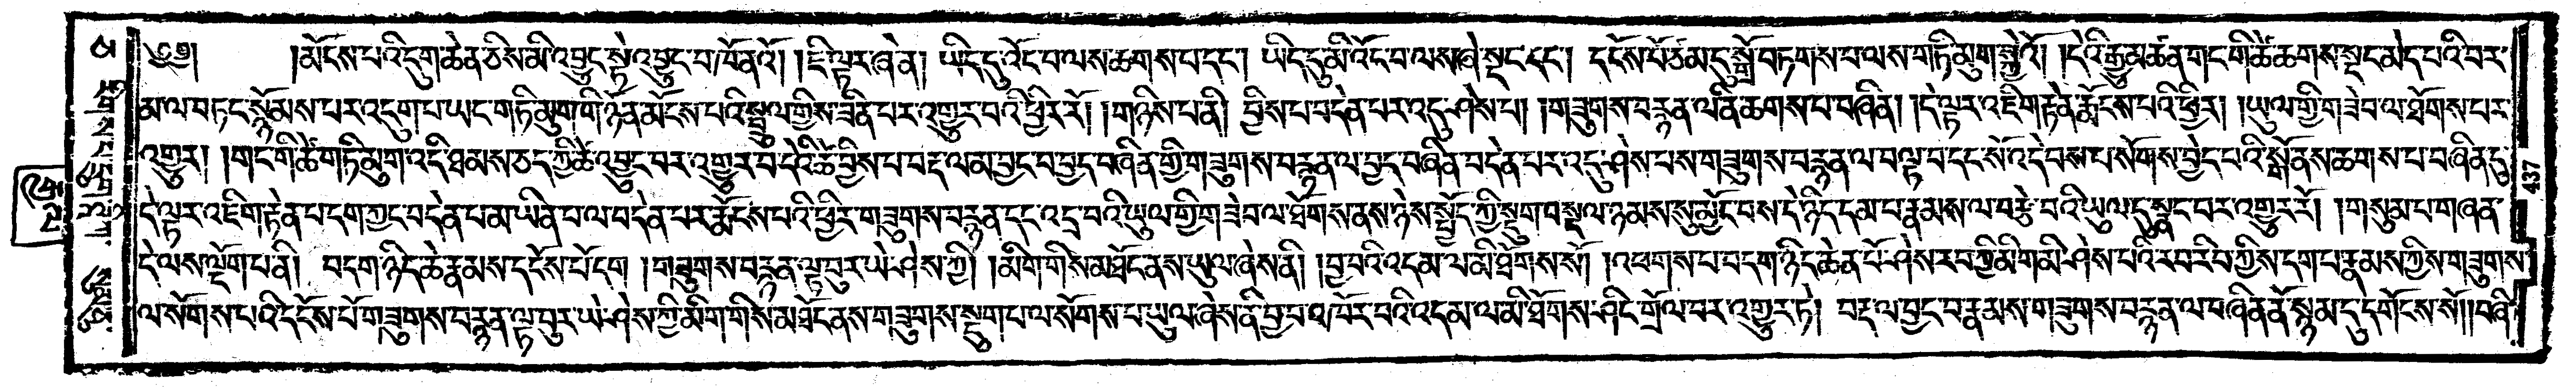༄༅། །མོངས་པའི་དུག་ཆེན་ཅིས་མི་འབྱུང་སྟེ་འབྱུང་བ་ཁོ་ནའོ། །ཇི་ལྟར་ཞེ་ན། ཡིད་དུ་འོང་བ་ལས་ཆགས་པ་དང་། ཡིད་དུ་མི་འོང་བ་ལས་ཞེ་སྡང་དང་། དངོས་པོ་ཙམ་དུ་སྒྲོ་བཏགས་པ་ལས་གཏི་མུག་སྐྱེའོ། །དེའི་རྒྱུ་མཚན་གང་གི་ཚེ་ཆགས་སྡང་མེད་པའི་བར་
མ་ལ་བཏང་སྙོམས་པར་འདུག་པ་ཡང་གཏི་མུག་གི་ཉོན་མོངས་པའི་སྦྲུལ་གྱིས་ཟིན་པར་འགྱུར་བའི་ཕྱིར་རོ། །གཉིས་པ་ནི། བྱིས་པ་བདེན་པར་འདུ་ཤེས་པ། །གཟུགས་བརྙན་ལ་ནི་ཆགས་པ་བཞིན། །དེ་ལྟར་འཇིག་རྟེན་རྨོངས་པའི་ཕྱིར། །ཡུལ་གྱི་གཟེབ་ལ་ཐོགས་པར་
འགྱུར། །གང་གི་ཚེ་གཏི་མུག་འདི་ཐམས་ཅད་ཀྱི་ཚེ་འབྱུང་བར་འགྱུར་བ་དེའི་ཚེ་བྱིས་པ་བརྡ་ལམ་བྱང་བ་བྱད་བཞིན་གྱི་གཟུགས་བརྙན་ལ་བྱད་བཞིན་བདེན་པར་འདུ་ཤེས་པས་གཟུགས་བརྙན་ལ་བལྟ་བ་དང་སོ་འདེབས་པ་སོགས་བྱེད་པའི་སྒོ་ནས་ཆགས་པ་བཞིན་དུ་
དེ་ལྟར་འཇིག་རྟེན་པ་དག་ཀྱང་བདེན་པ་མ་ཡིན་པ་ལ་བདེན་པར་རྨོངས་པའི་ཕྱིར་གཟུགས་བརྙན་དང་འདྲ་བའི་ཡུལ་གྱི་གཟེབ་ལ་ཐོགས་ནས་ཉེས་སྤྱོད་ཀྱི་སྡུག་བསྔལ་ཉམས་སུ་མྱོང་བས་དེ་ཉིད་དམ་པ་རྣམས་ལ་བརྩེ་བའི་ཡུལ་དུ་སྣང་བར་འགྱུར་རོ། །གསུམ་པ་གཞན་
དེ་ལས་ལྡོག་པ་ནི། བདག་ཉིད་ཆེ་རྣམས་དངོས་པོ་དག །གཟུགས་བརྙན་ལྟ་བུར་ཡེ་ཤེས་ཀྱི། །མིག་གིས་མཐོང་ནས་ཡུལ་ཞེས་ནི། །བྱ་བའི་འདམ་ལ་མི་ཐོགས་སོ། །འཕགས་པ་བདག་ཉིད་ཆེན་པོ་ཤེས་རབ་ཀྱི་མིག་མི་ཤེས་པའི་རབ་རིབ་ཀྱིས་དག་པ་རྣམས་ཀྱིས་གཟུགས་
ལ་སོགས་པའི་དངོས་པོ་གཟུགས་བརྙན་ལྟ་བུར་ཡེ་ཤེས་ཀྱི་མིག་གིས་མཐོང་ནས་གཟུགས་སྡུག་པ་ལ་སོགས་པ་ཡུལ་ཞེས་ནི་བྱ་བ་འཁོར་བའི་འདམ་ལ་མི་ཐོགས་ཤིང་གྲོལ་བར་འགྱུར་ཏེ། བརྡ་ལ་བྱང་བ་རྣམས་གཟུགས་བརྙན་ལ་བཞིན་ནོ་སྙམ་དུ་དགོངས་སོ། །བཞི་